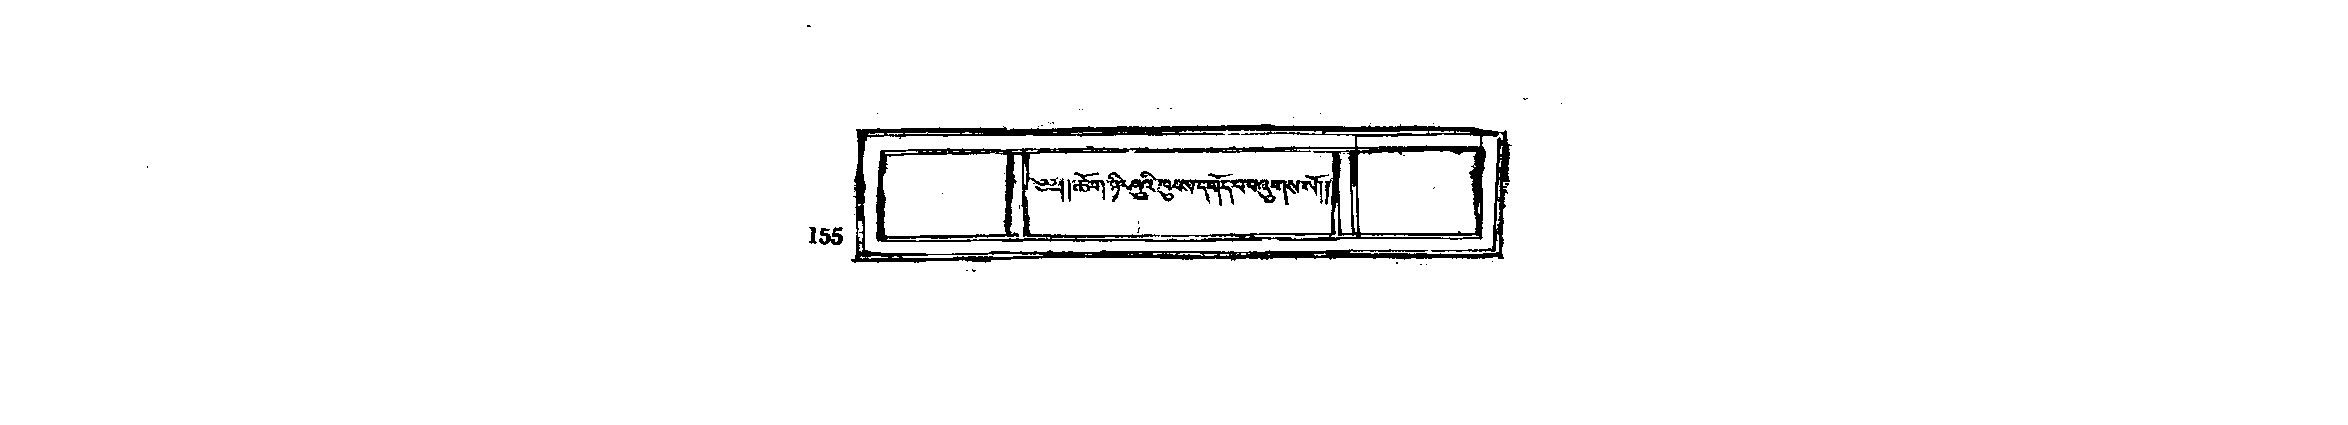།ཆོ་ག་ཉི་ཤུའི་ཁུངས་དགོད་པ་བཞུགས་སོ། །